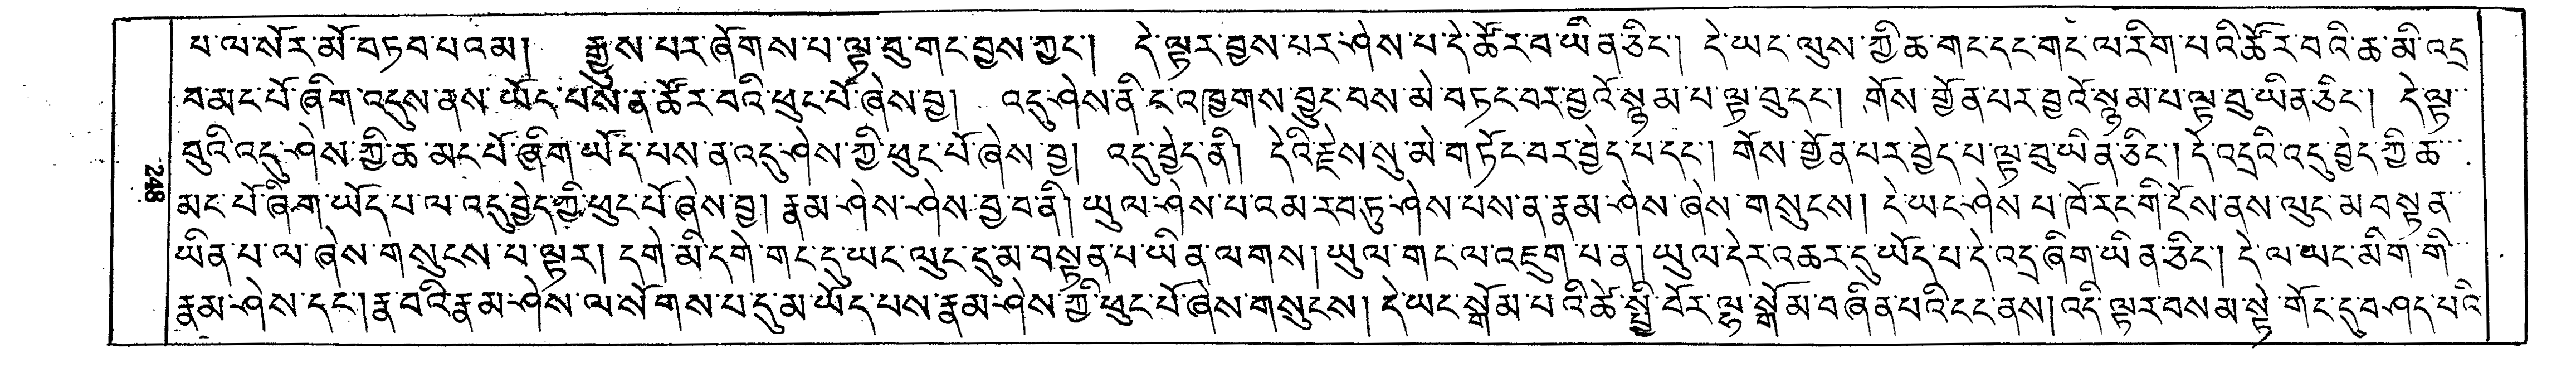པ་ལ་སོར་མོ་བཏབ་པའམ། རྒྱུས་པར་ཞོགས་པ་ལྟ་བུ་གང་བྱས་ཀྱང་། དེ་ལྟར་བྱས་པར་ཤེས་པ་དེ་ཚོར་བ་ཡིན་ཅིང་། དེ་ཡང་ལུས་ཀྱི་ཆ་གང་དང་གང་ལ་རིག་པའི་ཚོར་བའི་ཆ་མི་འདྲ་
བ་མང་པོ་ཞིག་འདུས་ནས་ཡོད་པས་ན་ཚོར་བའི་ཕུང་པོ་ཞེས་བྱ། འདུ་ཤེས་ནི་ང་འཁྱགས་བྱུང་བས་མེ་བཏང་བར་བྱའོ་སྙམ་པ་ལྟ་བུ་དང་། གོས་གྱོན་པར་བྱའོ་སྙམ་པ་ལྟ་བུ་ཡིན་ཅིང་། དེ་ལྟ་
བུའི་འདུ་ཤེས་ཀྱི་ཆ་མང་པོ་ཞིག་ཡོང་པས་ན་འདུ་ཤེས་ཀྱི་ཕུང་པོ་ཞེས་བྱ། འདུ་བྱེད་ནི། དེའི་རྫས་སུ་མེ་གཏོང་བར་བྱེད་པ་དང་། གོས་གྱོན་པར་བྱེད་པ་ལྟ་བུ་ཡིན་ཅིང་། དེ་འདྲའི་འདུ་བྱེད་ཀྱི་ཆ་
མང་པོ་ཞིག་ཡོད་པ་ལ་འདུ་བྱེད་ཀྱི་ཕུང་པོ་ཞེས་བྱ། རྣམ་ཤེས་ཤེས་བྱ་བ་ནི། ཡུལ་ཤེས་པའམ་རབ་ཏུ་ཤེས་པས་ན་རྣམ་ཤེས་ཞེས་གསུངས། དེ་ཡང་ཤེས་པ་ཁོ་རང་གི་ངོས་ནས་ལུང་མ་བསྟན་
ཡིན་པ་ལ་ཞེས་གསུངས་པ་ལྟར། དགེ་མི་དགེ་གང་དུ་ཡང་ལུང་དུ་མ་བསྟན་པ་ཡིན་ལགས། ཡུལ་གང་ལ་འཇུག་པ་ན། ཡུལ་དེར་འཆར་དུ་ཡོད་པ་དེ་འདྲ་ཞིག་ཡིན་ཅིང་། དེ་ལ་ཡང་མིག་གི་
རྣམ་ཤེས་དང་། རྣ་བའི་རྣམ་ཤེས་ལ་སོགས་པ་དུ་མ་ཡོད་པས་རྣམ་ཤེས་ཀྱི་ཕུང་པོ་ཞེས་གསུངས། དེ་ཡང་སྒོམ་པའི་ཚེ་སྤྱི་བོར་ལྷ་སྒོམ་བཞིན་པའི་ངང་ནས། འདི་ལྟར་བསམ་སྟེ་གོང་དུ་བཤད་པའི་